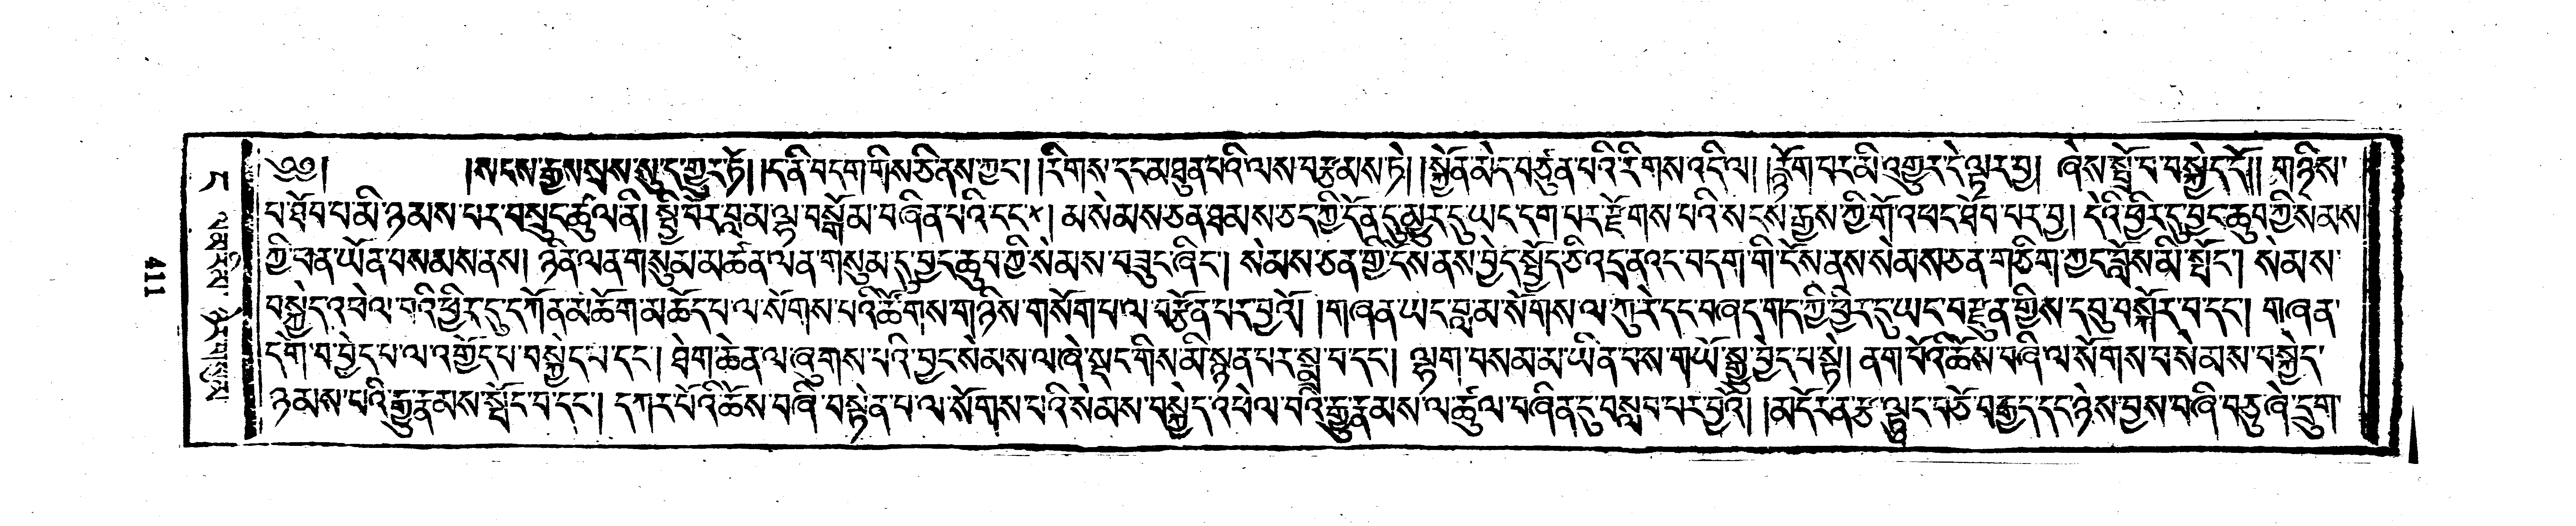༄༅། །སངས་རྒྱས་སྲས་སུ་ད་གྱུར་ཏོ། །ད་ནི་བདག་གིས་ཅི་ནས་ཀྱང་། །རིགས་དང་མཐུན་པའི་ལས་བརྩམས་ཏེ། །སྐྱོན་མེད་བཙུན་པའི་རིགས་འདི་ལ། །རྙོག་པར་མི་འགྱུར་དེ་ལྟར་བྱ། ཞེས་སྤྲོ་བ་བསྐྱེད་དོ། །གཉིས་
པ་ཐོབ་པ་མི་ཉམས་པར་བསྲུང་ཚུལ་ནི། སྤྱི་བོར་བླ་མ་ལྷ་བསྒོམ་བཞིན་པའི་ངང་྾། མ་སེམས་ཅན་ཐམས་ཅད་ཀྱི་དོན་དུ་མྱུར་དུ་ཡང་དག་པར་རྫོགས་པའི་སངས་རྒྱས་ཀྱི་གོ་འཕང་ཐོབ་པར་བྱ། དེའི་ཕྱིར་དུ་བྱང་ཆུབ་ཀྱི་སེམས་
ཀྱི་ཕན་ཡོན་བསམ་ནས། ཉིན་ལན་གསུམ་མཚན་ལན་གསུམ་དུ་བྱང་ཆུབ་ཀྱི་སེམས་བཟུང་ཞིང་། སེམས་ཅན་གྱི་ངོས་ནས་བྱེད་སྤྱོད་ཅི་འདྲ་ནའང་བདག་གི་ངོས་ནས་སེམས་ཅན་གཅིག་ཀྱང་བློས་མི་སྤོང་། སེམས་
བསྐྱེད་འཕེལ་བའི་ཕྱིར་དུ་དཀོན་མཆོག་མཆོད་པ་ལ་སོགས་པའི་ཚོགས་གཉིས་གསོག་པ་ལ་བརྩོན་པར་བྱའོ། །གཞན་ཡང་བླ་མ་སོགས་ལ་ཀུ་རེ་དང་བཞད་གད་ཀྱི་ཕྱིར་དུ་ཡང་བརྫུན་གྱིས་དབུ་བསྐོར་བ་དང་། གཞན་
དགེ་བ་བྱེད་པ་ལ་འགྱོད་པ་བསྐྱེད་པ་དང་། ཐེག་ཆེན་ལ་ཞུགས་པའི་བྱང་སེམས་ལ་ཞེ་སྡང་གིས་མི་སྙན་པར་སྨྲ་བ་དང་། ལྷག་བསམ་མ་ཡིན་པས་གཡོ་སྒྱུ་བྱེད་པ་སྟེ། ནག་པོའི་ཆོས་བཞི་ལ་སོགས་པ་སེམས་བསྐྱེད་
ཉམས་པའི་རྒྱུ་རྣམས་སྤོང་བ་དང་། དཀར་པོའི་ཆོས་བཞི་བསྟེན་པ་ལ་སོགས་པའི་སེམས་བསྐྱེད་འཕེལ་བའི་རྒྱུ་རྣམས་ལ་ཚུལ་བཞིན་དུ་བསླབ་པར་བྱའོ། །མདོར་ན་རྩ་ལྟུང་བཅོ་བརྒྱད་དང་ཉེས་བྱས་བཞི་བཅུ་ཞེ་དྲུག་